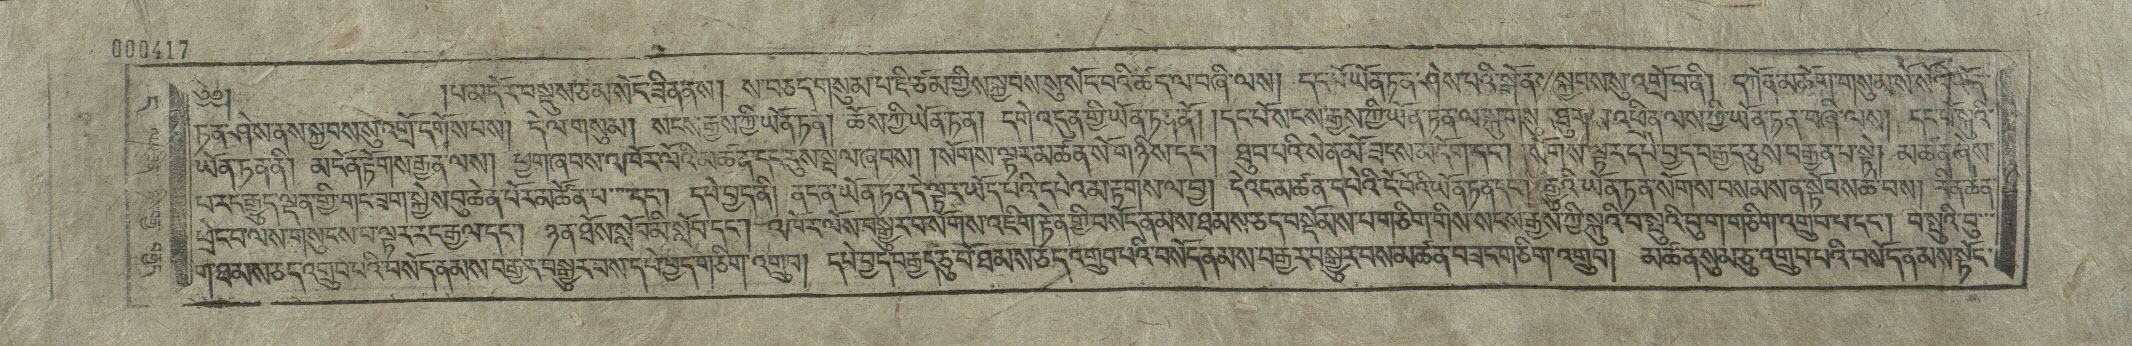༄༅། །པ་མདོར་བསུདས་ཙམ་སོང་ཟིན་ནས། ས་བཅད་གསུམ་པ་ཇི་ཙམ་གྱིས་སྐྱབས་སུ་སོང་བའི་ཚད་ལ་བཞི་ལས། དང་པོ་ཡོན་ཏན་ཤེས་པའི་སྒོ་ནས་སྐྱབས་སུ་འགྲོ་བ་ནི། དཀོན་མཆོག་གསུམ་སོ་སོའི་ཡོན་
ཏན་ཤེས་ནས་སྐྱབས་སུ་འགྲོ་དགོས་པས། དེ་ལ་གསུམ། སངས་རྒྱས་ཀྱི་ཡོན་ཏན། ཆོས་ཀྱི་ཡོན་ཏན། དགེ་འདུན་གྱི་ཡོན་ཏན་ནོ། །དང་པོ་སངས་རྒྱས་ཀྱི་ཡོན་ཏན་ལ་སྐུ་གསུང་ཐུགས་འཕྲིན་ལས་ཀྱི་ཡོན་ཏན་བཞི་ལས། དང་པོ་སྐུའི་
ཡོན་ཏན་ནི། མངོན་རྟོགས་རྒྱན་ལས། ཕྱག་ཞབས་འཁོར་ལོའི་མཚན་དང་རུས་སྦལ་ཞབས། །སོགས་ལྟར་མཚན་སོ་གཉིས་དང་། ཐུབ་པའི་སེན་མོ་ཟངས་མདོག་དང་། །སོགས་ལྟར་དཔེ་བྱད་བརྒྱད་ཅུས་བརྒྱན་པ་སྟེ། མཚན་ཞེས་
པ་རང་རྒྱུད་ལྡན་གྱི་གང་ཟག་སྐྱེས་བུ་ཆེན་པོར་མཚོན་པ་དང་། དཔེ་བྱད་ནི། ནང་ན་ཡོན་ཏན་དེ་ལྟར་ཡོད་པའི་དཔེའམ་རྟགས་ལ་བྱ། དེའང་མཚན་དཔེའི་ངོ་བོའི་ཡོན་ཏན་དང་། རྒྱུའི་ཡོན་ཏན་སོགས་བསམས་ན་སྟོབས་ཆེ་བས། རིན་ཆེན་
ཕྲེང་བ་ལས་གསུངས་པ་ལྟར་རང་རྒྱལ་དང་། ཉན་ཐོས་སློབ་མི་སློབ་དང་། འཁོར་ལོས་བསྒྱུར་བ་སོགས་འཇིག་རྟེན་གྱི་བསོད་ནམས་ཐམས་ཅད་བསྡོམས་པ་གཅིག་གིས་སངས་རྒྱས་ཀྱི་སྐུའི་བ་སྤུའི་བུ་ག་གཅིག་འགྲུབ་པ་དང་། བ་སྤུའི་བུ་
ག་ཐམས་ཅད་འགྲུབ་པའི་བསོད་ནམས་བརྒྱར་བསྒྱུར་བས་དཔེ་བྱད་གཅིག་འགྲུབ། དཔེ་བྱད་བརྒྱད་ཅུ་པོ་ཐམས་ཅད་འགྲུབ་པའི་བསོད་ནམས་བརྒྱར་བསྒྱུར་བས་མཚན་བཟང་གཅིག་འགྲུབ། མཚན་སུམ་ཅུ་འགྲུབ་པའི་བསོད་ནམས་སྟོང་